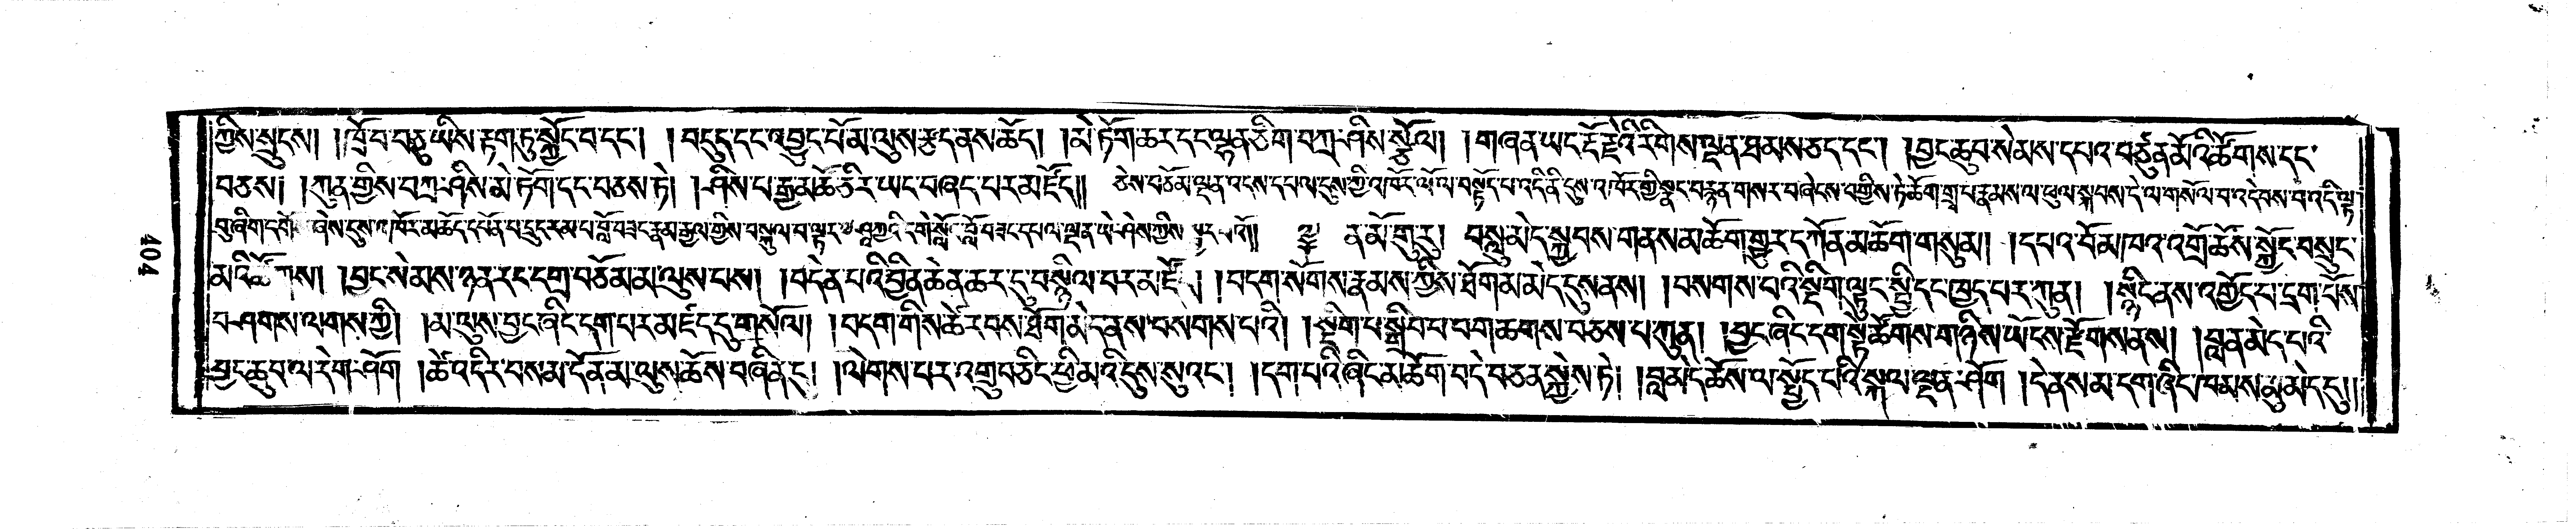ཀྱིས་སྲུངས། །ཁྲོ་བ་བཅུ་ཡིས་རྟག་ཏུ་སྐྱོང་བ་དང་། །བདུད་དང་འབྱུང་པོ་མ་ལུས་རྩད་ནས་ཆོད། །མེ་ཏོག་ཆར་དང་ལྷན་ཅིག་བཀྲ་ཤིས་སྩོལ། །གཞན་ཡང་རྡོ་རྗེའི་རིགས་ལྡན་ཐམས་ཅད་དང་། །བྱང་ཆུབ་སེམས་དཔའ་བཙུན་མོའི་ཚོགས་དང་
བཅས། །ཀུན་གྱིས་བཀྲ་ཤིས་མེ་ཏོག་དང་བཅས་ཏེ། །ཤིས་པ་རྒྱ་མཚོ་ཅིར་ཡང་བཞད་པར་མཛོད།། ཅེས་བཅོམ་ལྡན་འདས་དཔལ་དུས་ཀྱི་འཁོར་ལོ་ལ་བསྟོད་པ་འདི་ནི་དུས་འཁོར་གྱི་སྣང་བརྙན་གསར་བཞེངས་བགྱིས་ཏེ་ཆོག་གྲྭ་པ་རྣམས་ལ་ཕུལ་སྐབས་དེ་ལ་གསོལ་བ་འདེབས་བ་འདི་ལྟ་
བུ་ཞིག་དགོས་ཞེས་དུས་འཁོར་མཆོད་དཔོན་པ་དྲུང་རམ་པ་བློ་བཟང་རྣམ་རྒྱལ་གྱིས་བསྐུལ་བ་ལྟར་༧་ཤཱཀྱའི་དགེ་སློང་བློ་བཟང་དཔལ་ལྡན་ཡེ་ཤེས་ཀྱིས་སྦྱར་བའོ།། ༈ ན་མོ་གུ་རུ། བསླུ་མེད་སྐྱབས་གནས་མཆོག་གྱུར་དཀོན་མཆོག་གསུམ། །དཔའ་བོ་མཁའ་འགྲོ་ཆོས་སྐྱོང་བསྲུང་
མའི་ཚོགས། །བྱང་སེམས་ཉན་རང་དགྲ་བཅོམ་མ་ལུས་པས། །བདེན་པའི་བྱིན་ཆེན་ཆར་དུ་བསྙིལ་བར་མཛོད། །བདག་སོགས་རྣམས་ཀྱིས་ཐོག་མ་མེད་དུས་ནས། །བསགས་པའི་སྡིག་ལྟུང་སྤྱི་དང་ཁྱད་པར་ཀུན། །སྙིང་ནས་འགྱོད་པ་དྲག་པོས་
བཤགས་ལགས་ཀྱི། །མ་ལུས་བྱང་ཞིང་དག་པར་མཛད་དུ་གསོལ། །བདག་གིས་ཚེ་རབས་ཐོག་མེད་ནས་བསགས་པའི། །སྡིག་པ་སྒྲིབ་པ་བག་ཆགས་བཅས་པ་ཀུན། །བྱང་ཞིང་དག་སྟེ་ཚོགས་གཉིས་ཡོངས་རྫོགས་ནས། །བླ་ན་མེད་པའི་
བྱང་ཆུབ་ལ་རེག་ཤོག །ཚེ་འདིར་བསམ་དོན་མ་ལུས་ཆོས་བཞིན་དུ། །ལེགས་པར་འགྲུབ་ཅིང་ཕྱི་མའི་དུས་སུའང་། །དག་པའི་ཞིང་མཆོག་བདེ་བ་ཅན་སྐྱེས་ཏེ། །བླ་མེད་ཆོས་ལ་སྤྱོད་པའི་སྐལ་ལྡན་ཤོག །དེ་ནས་མ་དག་ཞིང་ཁམས་མུ་མེད་དུ།།